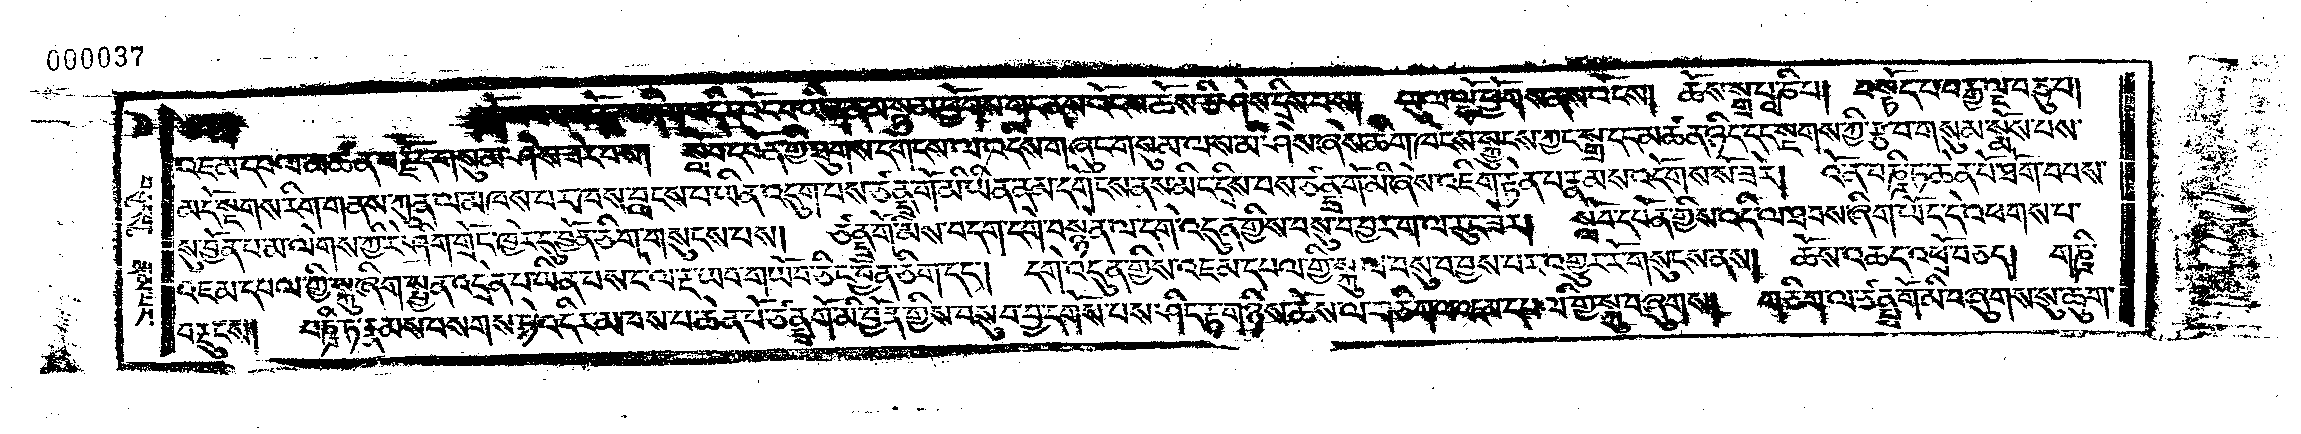༄༅། །རྒོལ་བར་འདོད་པ་ཞིག་འདིར་འོང་བ་ཡིན་ནམ་སྙམ་ཕྱོགས་གང་ནས་འོངས་ཆོས་ཅི་ཤེས་དྲིས་པས། ཡུལ་ལྷོ་ཕྱོགས་ནས་འོངས། ཆོས་སྒྲ་པཱ་ཎི་པ། བསྟོད་པ་བརྒྱ་ལྔ་བཅུ་པ།
འཇམ་དཔལ་མཚན་བརྗོད་གསུམ་ཤེས་ཟེར་བས། སློབ་དཔོན་གྱི་ཐུགས་དགོངས་ལ་འདིས་གཞུང་གསུམ་ལས་མི་ཤེས་ཞེས་ཚིག་ཁེངས་སྐྱུངས་ཀྱང་སྒྲ་དད་མཚན་ཉིད་དང་སྔགས་ཀྱི་རྩ་བ་གསུམ་སྨོས་པས་
མདོ་སྔགས་རིག་གནས་ཀུན་ལ་མཁས་པར་ཁས་བླངས་པ་ཡིན་འདུག་པས་ཙནྡྲ་གོ་མི་ཡིན་ནམ་དགོངས་ནས་མིང་དྲིས་བས་ཙནྡྲ་གོ་མི་ཞེས་འཇིག་རྟེན་པ་རྣམས་འདོགས་སོ་ཟེར། འོ་ན་པཎྜི་ཏ་ཆེན་པོ་ཐོག་བབས་
སུ་བྱོན་པ་མ་ལེགས་ཀྱི་རེ་ཤིག་གྲོང་ཁྱེར་དུ་བྱོན་ཅིག་གསུངས་པས། ཙནྡྲ་གོ་མིས་བདག་དགེ་བསྙེན་ལ་དགེ་འདུན་གྱིས་བསུ་བ་བྱར་ག་ལ་རུང་ཟེར། སློབ་དཔོན་གྱིས་འདི་ལ་ཐབས་ཞིག་ཡོད་དེ་འཕགས་པ་
འཇམ་དཔལ་གྱི་སྐུ་ཞིག་སྤྱན་འདྲེན་པ་ཡིན་པས་དེ་ལ་རྔ་ཡབ་གཡོབ་ཅིང་བྱོན་ཅིག་དང་། དགེ་འདུན་གྱིས་འཇམ་དཔལ་གྱི་སྐུ་ལ་བསུ་བ་བྱས་པར་འགྱུར་རོ་གསུངས་ནས། ཆོས་འཆད་འཕྲོ་བཅད། གཎྜི་
བརྡུངས། པཎྜི་ཏ་རྣམས་བསགས་ཏེ་འདིར་མཁས་པ་ཆེན་པོ་ཙནྡྲ་གོ་མི་བྱོན་གྱིས་བསུ་བ་བྱ་དགོས་པས་ཤིང་རྟ་གཉིས་ཆོས་ལ་གཅིག་ལ་འཇམ་དཔལ་གྱི་སྐུ་བཞུགས། གཅིག་ལ་ཙནྡྲ་གོ་མི་བཞུགས་སུ་ཆུག་